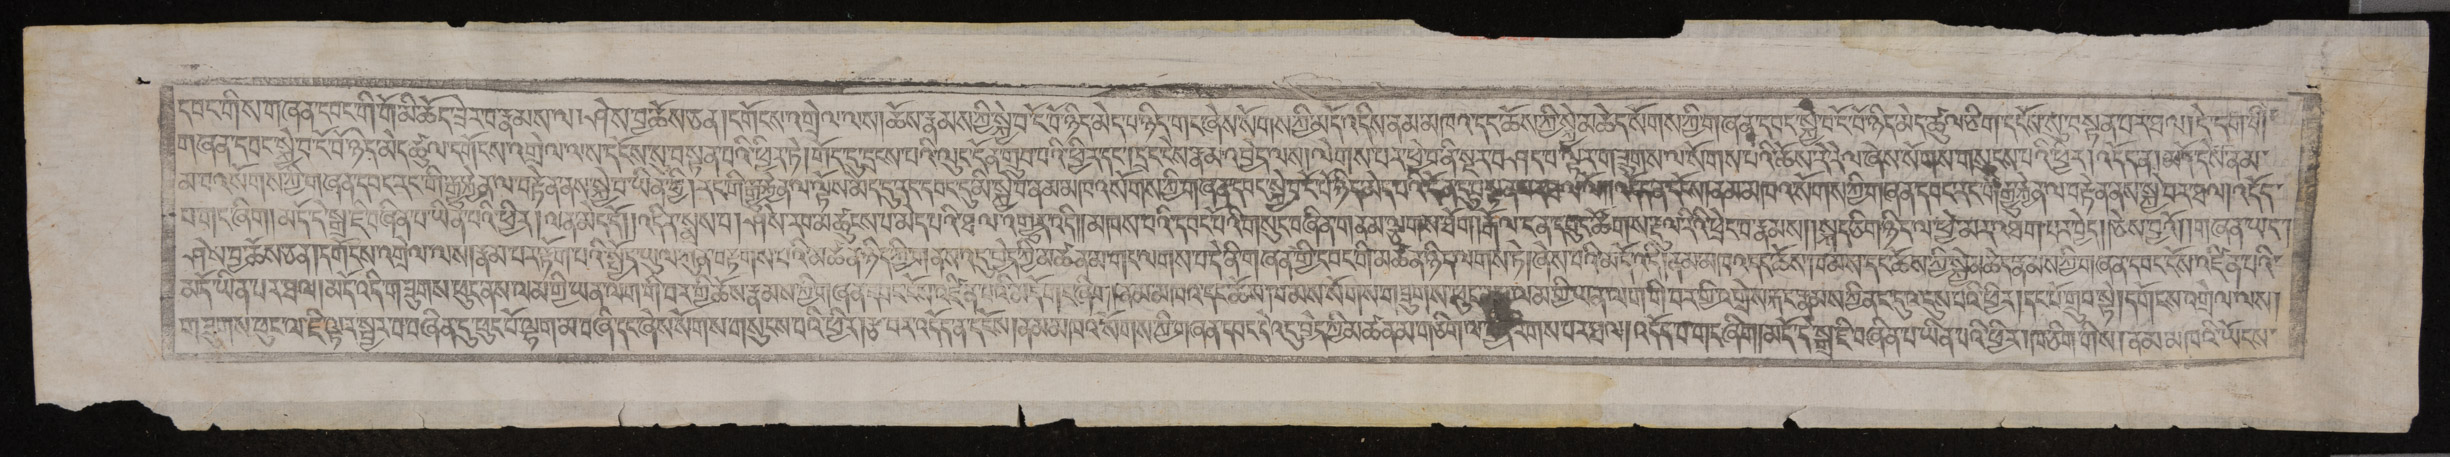དབང་གིས་གཞན་དབང་གི་གོ་མི་ཆོད་ཟེར་བ་རྣམས་ལ། ཤེས་བྱ་ཆོས་ཅན། དགོངས་འགྲེལ་ལས། ཆོས་རྣམས་ཀྱི་སྐྱེ་བ་ངོ་བོ་ཉིད་མེད་པ་ཉིད་གང་ཞེས་སོགས་ཀྱི་མདོ་འདིས་ནམ་མཁའ་དང་ཆོས་ཀྱི་སྐྱེ་མཆེད་སོགས་ཀྱི་གཞན་དབང་སྐྱེ་བ་ངོ་བོ་ཉིད་མེད་ཚུལ་ཅིག་དངོས་སུ་བསྟན་པར་ཐལ། དེ་དག་གི་
གཞན་དབང་སྐྱེ་བ་ངོ་བོ་ཉིད་མེད་ཚུལ་དགོངས་འགྲེལ་ལས་དངོས་སུ་བསྟན་པའི་ཕྱིར་ཏེ། གོང་དུ་དྲངས་པའི་ལུང་དོན་གྲུབ་པའི་ཕྱིར་དང་། དྲང་ངེས་རྣམ་འབྱེད་ལས། ལེགས་པར་ཕྱེ་བ་ནི་སྔར་བཤད་པ་ལྟར་གཟུགས་ལ་སོགས་པའི་ཆོས་རེ་རེ་ལ་ཞེས་སོགས་གསུངས་པའི་ཕྱིར། འདོད་ན། མདོ་དེས་ནམ་
མཁའ་སོགས་ཀྱི་གཞན་དབང་རང་གི་རྒྱུ་རྐྱེན་ལ་བརྟེན་ནས་སྐྱེ་བ་ཡིན་གྱི། རང་གི་རྒྱུ་རྐྱེན་ལ་ལྟོས་མེད་དུ་རང་དབང་དུ་མི་སྐྱེ་བ་ནམ་མཁའ་སོགས་ཀྱི་གཞན་དབང་སྐྱེ་བ་ངོ་བོ་ཉིད་མེད་པའི་དོན་དུ་བསྟན་པར་ཐལ་ལོ། །འདོད་ན་དངོས། ནམ་མཁའ་སོགས་ཀྱི་གཞན་དབང་རང་གི་རྒྱུ་རྐྱེན་ལ་བརྟེན་ནས་སྐྱེ་བར་ཐལ། འདོད་
པ་གང་ཞིག། མདོ་དེ་སྒྲ་ཇི་བཞིན་པ་ཡིན་པའི་ཕྱིར། ལན་མེད་དོ། །འདིར་སྨས་པ། ཤེས་རབ་མཚུངས་པ་མེད་པའི་ཐལ་འགྱུར་འདི། །མཁས་པའི་དབང་པོའི་གསུང་བཞིན་གནས་ལྕགས་ཐོག། རྒོལ་ངན་དཔུང་ཚོགས་རྡུལ་རིའི་ཕྲེང་བས་རྣམས། །སྐད་ཅིག་ཉིད་ལ་ཕྱེ་མར་འཐག་པར་བྱེད། །ཅེས་བྱའོ། །གཞན་ཡང་།
ཤེས་བྱ་ཆོས་ཅན། དགོངས་འགྲེལ་ལས། རྣམ་པར་རྟོག་པའི་སྤྱོད་ཡུལ་ཀུན་བརྟགས་པའི་མཚན་ཉིད་ཀྱི་གནས་འདུ་བྱེད་ཀྱི་མཚན་མ་གང་ལགས་བ་དེ་ནི་གཞན་གྱི་དབང་གི་མཚན་ཉིད་ལགས་ཏེ། ཞེས་པའི་མདོ་འདི། ནམ་མཁའ་དང་ཆོས་ཁམས་དང་ཆོས་ཀྱི་སྐྱེ་མཆེད་རྣམ་ཀྱི་གཞན་དབང་ངོས་འཛིན་པའི་
མདོ་ཡིན་པར་ཐལ། མདོ་འདི་གཟུགས་ཕུང་ནས་ལམ་གྱི་ཡན་ལག་གི་བར་གྱི་ཆོས་རྣམ་ཀྱི་གཞན་དབང་ངོས་འཛིན་པའི་མདོ་གང་ཞིག། ནམ་མཁའ་དང་ཆོས་ཁམས་སོགས་གཟུགས་ཕུང་ནས་ལམ་གྱི་ཡན་ལག་གི་བར་གྱི་འགྲེས་རྐང་རྣམས་ཀྱི་ནང་དུ་འདུས་པའི་ཕྱིར། དང་པོ་གྲུབ་སྟེ། དགོངས་འགྲེལ་ལས།
གཟུགས་ཕུང་ལ་ཇི་ལྟར་སྦྱར་བ་བཞིན་དུ་ཕུང་པོ་ལྷག་མ་བཞི་དང་ཞེས་སོགས་གསུངས་པའི་ཕྱིར། རྩ་བར་འདོད་ན་དངོས། ནམ་ཨམཁའ་སོགས་ཀྱི་གཞན་དབང་དེ་འདུ་བྱེད་ཀྱི་མཚན་མ་གཅིག་ལ་བྱེད་རིགས་པར་ཐལ། འདོད་པ་གང་ཞིག། མདོ་དེ་སྒྲ་ཇི་བཞིན་པ་ཡིན་པའི་ཕྱིར། ཁ་ཅིག་གིས། ནམ་མཁའི་ཡོངས་